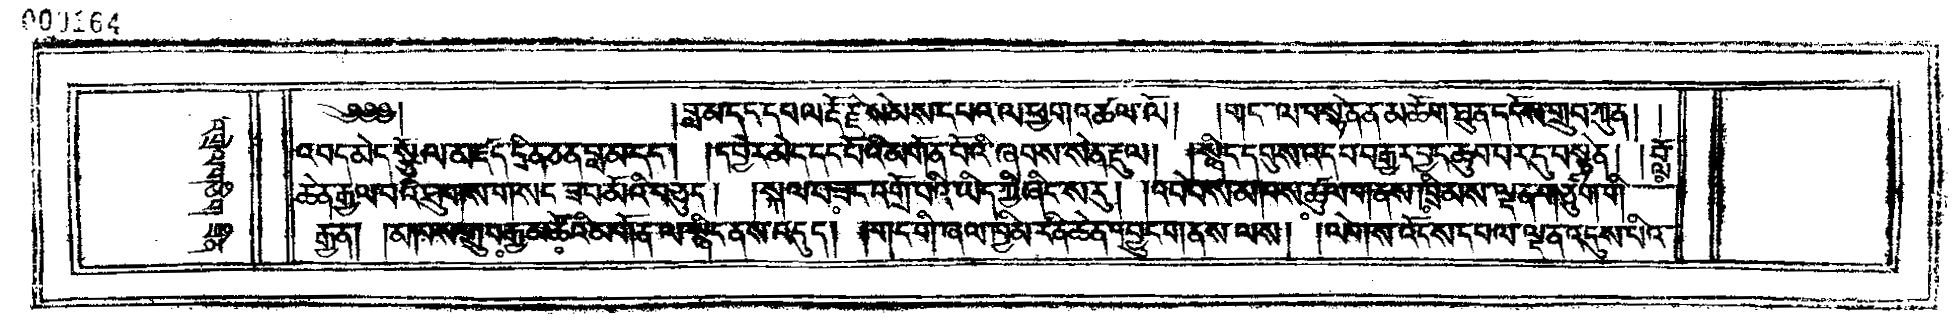༄༅༅། །བླ་མ་དང་དཔལ་རྡོ་རྗེ་སེམས་དཔའ་ལ་ཕྱག་འཚལ་ལོ། །གང་ལ་བསྟེན་ན་མཆོག་ཐུན་དངོས་གྲུབ་ཀུན། །
འབད་མེད་སྩོལ་མཛད་དྲིན་ཅན་བླ་མ་དང་། །དབྱེར་མེད་དང་པོའི་མགོན་པོའི་ཞབས་སེན་རྡུལ། །སྙིང་དབུས་འདབ་བརྒྱར་བྱང་ཆུབ་བར་དུ་བསྟེན། །བློ྾་
ཆེན་རྒྱལ་བའི་ཐུགས་གསང་ཟབ་མོའི་བཅུད། །སྐལ་བཟང྾་འགྲོ་བའི་ཡིད་ཀྱི་ཞིང་ས་རུ། །འབེབས་མཁས་ཚུལ྾་གནས་ཁྲིམས྾་ལྡན་གཙུག་གི་
རྒྱན། །མཁས་གྲུབ྾་རྒྱ྾་མཚོའི྾་མགོན་ལ་སྙིང་ནས་འདུད། །གང་གི་ཞལ་ཁྱིམ་རིན་ཆེན་འབྱུང་གནས་ལས། །ལེགས་འོངས་དཔལ་ལྡན་འདུས་པའི་